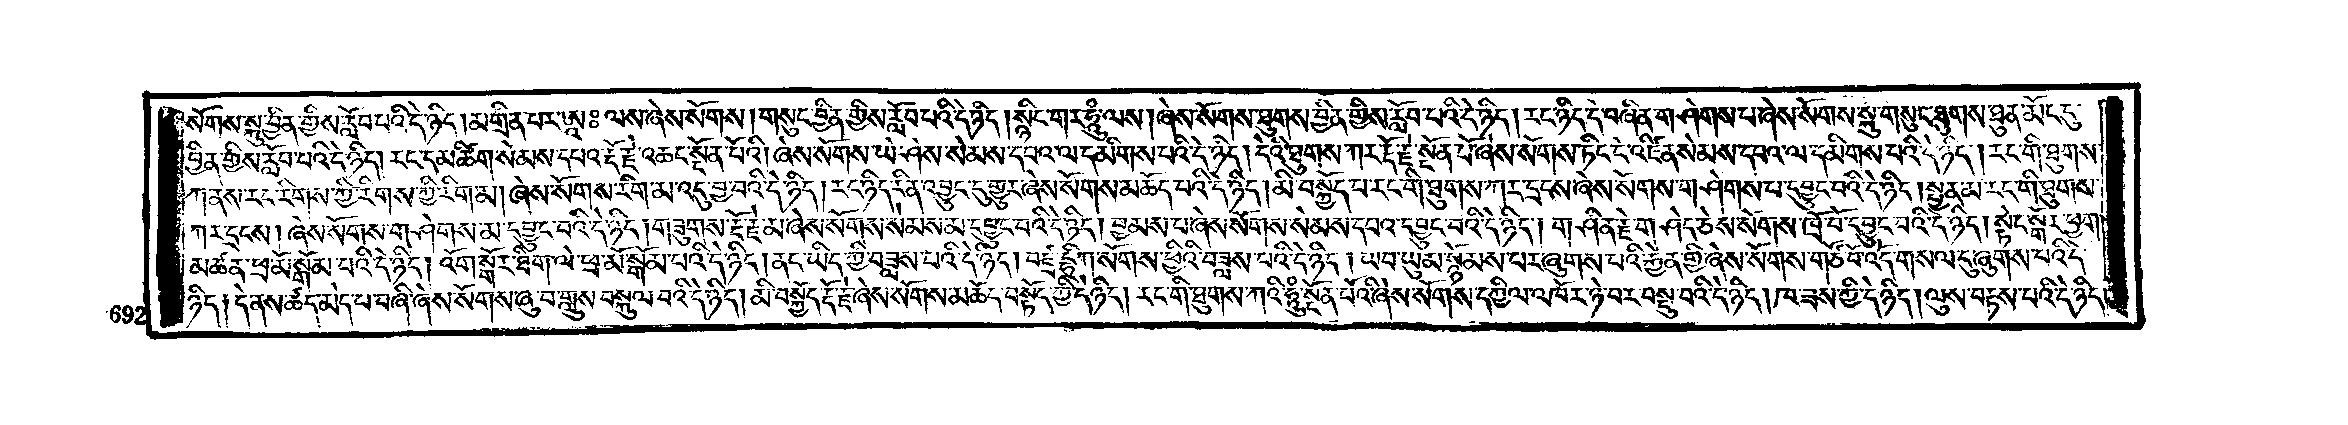སོགས་སྐུ་བྱིན་གྱིས་རློབ་པའི་དེ་ཉིད། མགྲིན་པར་ཨཱཿ ལས་ཞེས་སོགས། གསུང་བྱིན་གྱིས་རློབ་པའི་དེ་ཉིད། སྙིང་གར་ཧཱུཾ་ལས། ཞེས་སོགས་ཐུགས་བྱིན་གྱིས་རློབ་པའི་དེ་ཉིད། རང་ཉིད་དེ་བཞིན་གཤེགས་པ་ཞེས་སོགས་སྐུ་གསུང་ཐུགས་ཐུན་མོང་དུ་
བྱིན་གྱིས་རློབ་པའི་དེ་ཉིད། རང་དམ་ཚིག་སེམས་དཔའ་རྡོ་རྗེ་འཆང་སྔོན་པོའི། ཞེས་སོགས་ཡེ་ཤེས་སེམས་དཔའ་ལ་དམིགས་པའི་དེ་ཉིད། དེའི་ཐུགས་ཀར་རྡོ་རྗེ་སྔོན་པོ་ཞེས་སོགས་ཏིང་ངེ་འཛིན་སེམས་དཔའ་ལ་དམིགས་པའི་དེ་ཉིད། རང་གི་ཐུགས་
ཀ་ནས་རང་རིགས་ཀྱི་རིགས་ཀྱི་རིག་མ། ཞེས་སོགས་རིག་མ་འདུ་བྱ་བའི་དེ་ཉིད། རང་ཉིད་རིན་འབྱུང་དུ་གྱུར་ཞེས་སོགས་མཆོད་པའི་དེ་ཉིད། མི་བསྐྱོད་པ་རང་གི་ཐུགས་ཀར་དྲངས་ཞེས་སོགས་གཤེགས་པ་དབྱུང་བའི་དེ་ཉིད། སྤྱན་མ་རང་གི་ཐུགས་
ཀར་དྲངས། ཞེས་སོགས་གཤེགས་མ་དབྱུང་བའི་དེ་ཉིད། གཟུགས་རྡོ་རྗེ་མ་ཞེས་སོགས་སེམས་མ་དབྱུང་བའི་དེ་ཉིད། བྱམས་པ་ཞེས་སོགས་སེམས་དཔའ་དབྱུང་བའི་དེ་ཉིད། གཤིན་རྗེ་གཤེད་ཅེས་སོགས་ཁྲོ་བོ་དབྱུང་བའི་དེ་ཉིད། སྟེང་སྒོར་ཕྱག་
མཚན་ཕྲ་མོ་སྒོམ་པའི་དེ་ཉིད། འོག་སྒོར་ཐིག་ལེ་ཕྲ་མོ་སྒོམ་པའི་དེ་ཉིད། ནང་ཡིད་ཀྱི་བཟླས་པའི་དེ་ཉིད། བཛྲ་དྷྲི་ཀ་སོགས་ཕྱིའི་བཟླས་པའི་དེ་ཉིད། ཡབ་ཡུམ་སྙོམས་པར་ཞུགས་པའི་རྐྱེན་གྱི་ཞེས་སོགས་གཙོ་བོ་འོད་གསལ་དུ་ཞུགས་པའི་དེ་
ཉིད༑ དེ་ནས་ཚད་མེད་པ་བཞི་ཞེས་སོགས་ཞུ་བ་གླུས་བསྐུལ་བའི་དེ་ཉིད། མི་བསྐྱོད་རྡོ་རྗེ་ཞེས་སོགས་མཆོད་བསྟོད་ཀྱི་དེ་ཉིད། རང་གི་ཐུགས་ཀའི་ཧཱུཾ་སྔོན་པོའི་ཞེས་སོགས་དཀྱིལ་འཁོར་ཉེ་བར་བསྡུ་བའི་དེ་ཉིད། ཁ་ཟས་ཀྱི་དེ་ཉིད། ལུས་བརྟས་པའི་དེ་ཉིད་